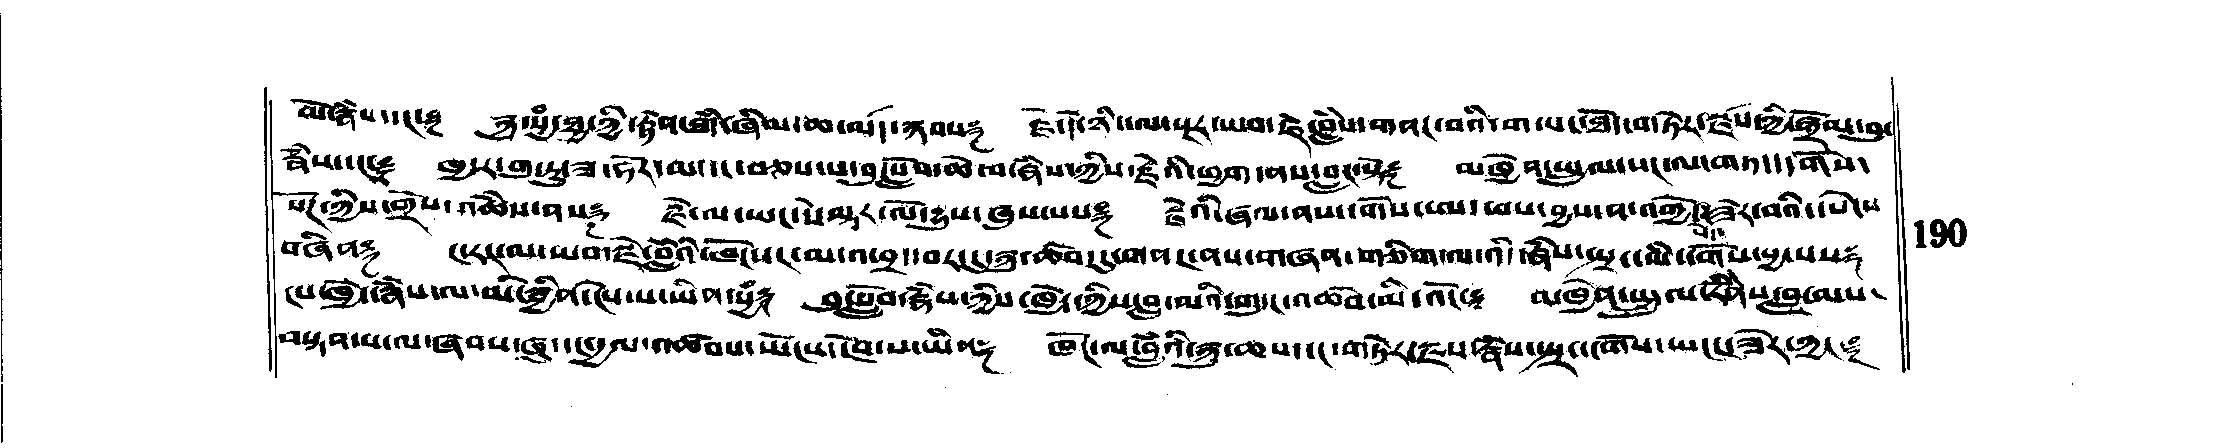མོ་རྣམས་དང་། སྐུ་གསུང་ཐུགས་ཀྱི་རྟེན་ཐམས་ཅད་ཞིབ་ཆ་མཛད་སྐབས། རྗེ་དེ་ཉིད་ལ་སྔར་ཡབ་རྗེ་བླ་མས་གནང་བའི་གཡང་ཐོད་གཏེར་རྫས་ཀྱི་སྒྲོམ་བུ་
རྣམས་དང་། ཁྱད་པར་གུ་རུ་ཟ་ཧོར་མ་དང་བཅས་པ་བུ་སློབ་ཆེ་བ་རྣམས་ཀྱིས་རྗེའི་ཕྱག་ནས་བླང་སྟེ། མཁྱེན་སྤྲུལ་སང་ལ་གཏད་དགོས་
སོགས་ཀྱིས་གྲོས་འཆམས་ནས། རྗེ་ལ་ཡང་དེ་ལྟར་ལོ་རྒྱུས་ཞུས་པས། རྗེའི་ཞལ་ནས་དགོས་ཨ་ཕས་བྱས་ན་འགྱོད་དོ་ཟེར་བའི་དཔེ་
བཞིན། ང་རང་ལ་ཡབ་རྗེ་བླ་མའི་ཁོང་དང་མ་འཕྲད་བར་དུ་སྐུ་ཚབ་དུ་གནང་ནས་གཞན་གཅིག་ལ་འདི་རྣམས་སྤྲད་མི་དགོས་གསུངས་པས། 
ངས་ཁྱེད་རྣམས་ལ་མི་སྦྱིན་ངེས་པ་ཡིན་གསུངས། བུ་སློབ་རྣམས་ཀྱིས་ཁྱེད་ཀྱིས་བླ་མའི་གདུང་འཚབ་མི་འོང་། མཁྱེན་སྤྲུལ་རིན་པོ་ཆེས་བླ་མས་
བསྟན་པ་ལ་ཞབས་ཞུ་དང་རྒྱལ་ཚབ་ཡོང་ངེས་པ་ཡིན། ཁོང་ལ་བླ་མའི་སྐུ་ཆས་དང་གཏེར་རྫས་རྣམས་སྤྲད་དགོས་ཡང་ཡང་ཟེར་ཀྱང་། །